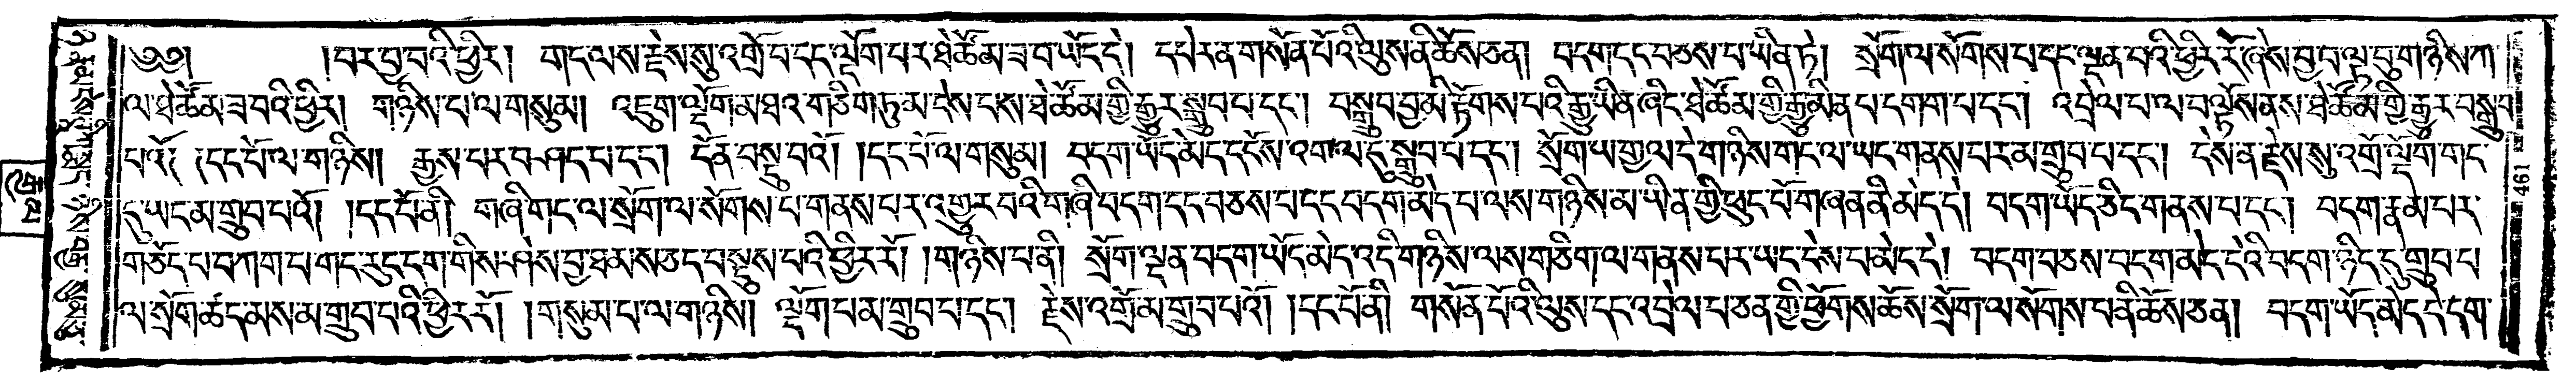༄༅། །བར་བྱ་བའི་ཕྱིར། གང་ལས་རྗེས་སུ་འགྲོ་བ་དང་ལྡོག་པར་ཐེ་ཚོམ་ཟ་བ་ཡོད་དེ། དཔེར་ན་གསོན་པོའི་ལུས་ནི་ཆོས་ཅན། བདག་དང་བཅས་པ་ཡིན་ཏེ། སྲོག་ལ་སོགས་པ་དང་ལྡན་པའི་ཕྱིར་རོ་ཞེས་བྱ་བ་ལྟ་བུ་གཉིས་ཀ་
ལ་ཐེ་ཚོམ་ཟ་བའི་ཕྱིར། གཉིས་པ་ལ་གསུམ། འཇུག་ལྡོག་མཐའ་གཅིག་ཏུ་མ་ངེས་པས་ཐེ་ཚོམ་གྱི་རྒྱུར་སྒྲུབ་པ་དང་། བསྒྲུབ་བྱ་མི་རྟོགས་པའི་རྒྱུ་ཡིན་ཞིང་ཐེ་ཚོམ་གྱི་རྒྱུ་མིན་པ་དགག་པ་དང་། འབྲེལ་པ་ལ་བལྟོས་ནས་ཐེ་ཚོམ་གྱི་རྒྱུར་བསྒྲུབ་
པའོ༑ ༑དང་པོ་ལ་གཉིས། རྒྱས་པར་བཤད་པ་དང་། དོན་བསྡུ་པའོ། །དང་པོ་ལ་གསུམ། བདག་ཡོད་མེད་དངོས་འགལ་དུ་སྒྲུབ་པ་དང་། སྲོག་ཡ་གྱལ་དེ་གཉིས་གང་ལ་ཡང་གནས་པར་མ་གྲུབ་པ་དང་། དེས་ན་རྗེས་སུ་འགྲོ་ལྡོག་གང་
དུ་ཡང་མ་གྲུབ་པའོ། །དང་པོ་ནི། གཞི་གང་ལ་སྲོག་ལ་སོགས་པ་གནས་པར་འགྱུར་བའི་གཞི་བདག་དང་བཅས་པ་དང་བདག་མེད་པ་ལས་གཉིས་མ་ཡིན་གྱི་ཕུང་པོ་གཞན་ནི་མེད་དེ། བདག་ཡོད་ཅིང་གནས་པ་དང་། བདག་རྣམ་པར་
གཅོད་པ་བཀག་པ་གང་རུང་དག་གིས་ཤེས་བྱ་ཐམས་ཅད་བསྡུས་པའི་ཕྱིར་རོ། །གཉིས་པ་ནི། སྲོག་ལྡན་བདག་ཡོད་མེད་འདི་གཉིས་ལས་གཅིག་ལ་གནས་པར་ཡང་ངེས་པ་མེད་དེ། བདག་བཅས་བདག་མེད་དེའི་བདག་ཉིད་དུ་གྲུབ་པ་
ལ་སྲོག་ཚད་མས་མ་གྲུབ་པའི་ཕྱིར་རོ། །གསུམ་པ་ལ་གཉིས། ལྡོག་པ་མ་གྲུབ་པ་དང་། རྗེས་འགྲོ་མ་གྲུབ་པའོ། །དང་པོ་ནི། གསོན་པོའི་ལུས་དང་འབྲེལ་པ་ཅན་གྱི་ཕྱོགས་ཆོས་སྲོག་ལ་སོགས་པ་ནི་ཆོས་ཅན། བདག་ཡོད་མེད་དེ་དག་